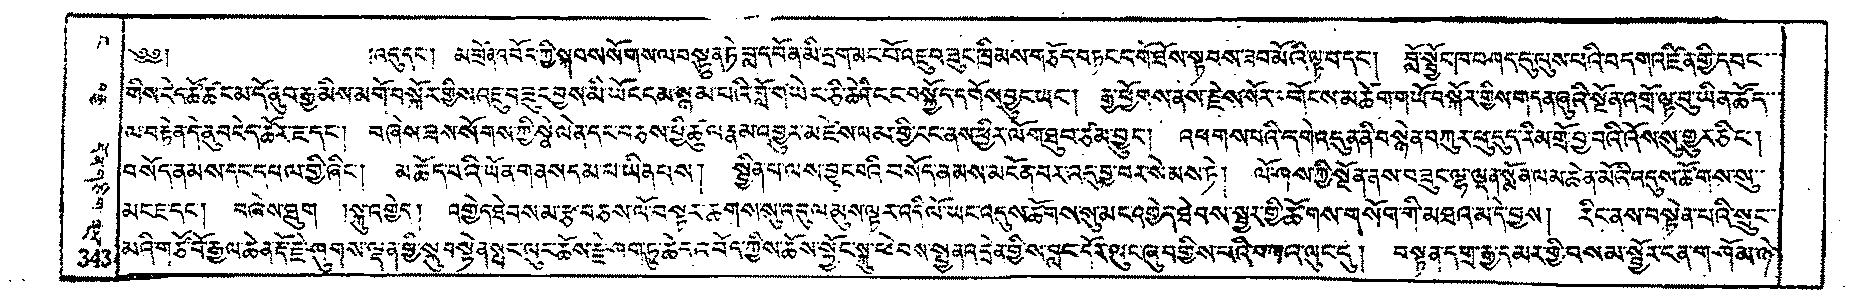༄༅། །འདུ་དང་། མགྲོན་འབོད་ཀྱི་སྐབས་སོགས་ལ་བསྟུན་ཏེ་བླ་དཔོན་མི་དྲག་མང་པོ་འཇུ་བཟུང་ཁྲིམས་གཅོད་བཏང་བ་གོ་ཐོས་སྟབས་ཟབ་མོའི་ལྟ་བ་དང་། བློ་སྦྱོང་ཁ་བཤད་དུ་ལུས་པའི་བདག་འཛིན་གྱི་དབང་
གིས་ངེད་ཚོ་ཚང་མ་དོ་ནུབ་རྒྱ་མིས་མགོ་བསྐོར་གྱིས་འཇུ་བཟུང་བྱས་མི་ཡོང་ངམ་སྙམ་པའི་བློ་གཡེང་ཅི་ཆེའི་ངང་བསྐྱོད་དགོས་བྱུང་ཡང་། རྒྱ་ཕྱོགས་ནས་རྗེས་སོར་༧གོང་ས་མཆོག་གཡོ་བསྐོར་གྱིས་གདན་ཞུའི་སྔོན་འགྲོ་ལྟ་བུ་ཡིན་ཚོད་
ལ་བརྟེན་དེ་ནུབ་ངེད་ཚོར་ཇ་དང་། བཞེས་ཟས་སོགས་ཀྱི་སྣེ་ལེན་དང་བཅས་ཕྱི་ཚུལ་རྣམ་འགྱུར་མཛེས་ལམ་གྱི་ངང་ནས་ཕྱིར་ལོག་ཐུབ་ཙམ་བྱུང་། འཕགས་པའི་དགེ་འདུན་ནི་བསྙེན་བཀུར་ཕུ་དུད་རིམ་གྲོ་བྱ་བའི་འོས་སུ་གྱུར་ཅིང་།
བསོད་ནམས་དང་དཔལ་གྱི་ཞིང་། མཆོད་པའི་ཡོན་གནས་དམ་པ་ཡིན་པས། སྦྱིན་པ་ལས་བྱུང་བའི་བསོད་ནམས་མངོན་པར་འདུ་བྱ་བར་སེམས་ཏེ། ལོ་ཤས་ཀྱི་སྔོན་ནས་བཟུང་ལྷ་ལྡན་སྨོན་ལམ་ཆེན་མོའི་འདུས་ཚོགས་སུ་
མང་ཇ་དང་། བཞེས་ཐུག །སྐུ་འགྱེད། འགྱེད་ཐེབས་མ་རྩ་བཅས་ལོ་བསྟར་ཆགས་སུ་འབུལ་མུས་ལྟར་འདི་ལོ་ཡང་འདུས་ཚོགས་སུ་མང་འགྱེད་ཐེབས་སྦྱར་གྱི་ཚོགས་གསོག་གི་མཐའ་མ་དེ་བྱས། རིང་ནས་བསྟེན་པའི་སྲུང་
མའི་གཙོ་བོ་རྒྱལ་ཆེན་རྡོ་རྗེ་ཤུགས་ལྡན་གྱི་སྐུ་བསྟེན་སྤང་ལུང་ཆོས་རྗེ་ཤག་ཏུ་ཆེད་འབོད་ཀྱིས་ཆོས་སྐྱོང་སྐུ་ཕེབས་སྤྱན་འདྲེན་གྱིས་བླང་དོར་ལུང་ཞུ་བགྱིས་པའི་བཀའ་ལུང་དུ། བསྟན་དགྲ་རྒྱ་དམར་གྱི་བསམ་སྦྱོར་ངན་གཤོམ་ཉེ་